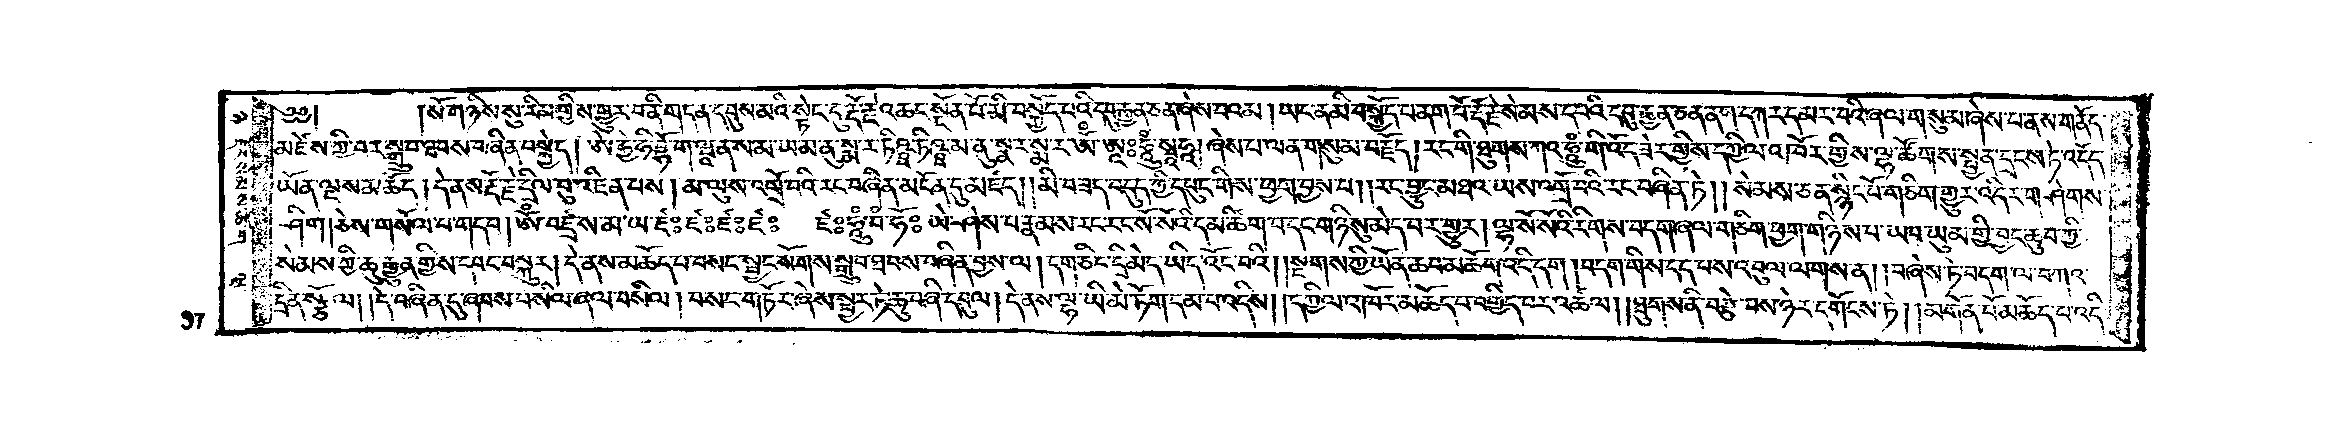༄༅། །སོ་གཉིས་སུ་རིམ་གྱིས་གྱུར་བ་ནི་གདན་དབུས་མའི་སྟེང་དུ་རྡོ་རྗེ་འཆང་སྔོན་པོ་མི་བསྐྱོད་པའི་དབུ་རྒྱན་ཅན་ཞེས་པའམ། ཡང་ན་མི་བསྐྱོད་པ་ནག་པོ་རྡོ་རྗེ་སེམས་དཔའི་དབུ་རྒྱན་ཅན་ནག་དཀར་དམར་བའི་ཞལ་གསུམ་ཞེས་པ་ནས་གནོད་
མཛེས་ཀྱི་བར་སྒྲུབ་ཐབས་བཞིན་བསྐྱེད། ཨེ་ཧྱེ་ཧི་བྷ་ག་ཝཱ་ན་ས་མ་ཡ་མ་ནུ་སྨ་ར་ཏིཥཊཿཨ་ཏིཥཊཿཨ་མ་ནུ་སྣ་ར་སྨ་ར་ཨོཾ་ཨཱཿ ཧཱུཾ་སྭཱཧཱ། ཞེས་པ་ལན་གསུམ་བརྗོད། རང་གི་ཐུགས་ཀའི་ཧཱུཾ་གི་འོད་ཟེར་གྱིས་དཀྱིལ་འཁོར་གྱིས་ལྷ་ཚོགས་སྤྱན་དྲངས་ཏེ་འདོད་
ཡོན་ལྔས་མཆོད། དེ་ནས་རྡོ་རྗེ་དྲིལ་བུ་འཛིན་པས། མ་ལུས་འགྲོ་བའི་རང་བཞིན་མངོན་དུ་མཛད། །མི་བཟད་བདུད་ཀྱི་དཔུང་གིས་ཕྱག་བྱས་པ། །རང་བྱུང་མཐའ་ཡས་འགྲོ་བའི་རང་བཞིན་ཏེ། །སེམས་ཅན་སྙིང་པོ་གཅིག་གྱུར་འདིར་གཤེགས་
ཤིག །ཅེས་གསོལ་པ་གདབ། ཨོཾ་བཛྲ་ས་མ་ཡ་ཛཿ ཛཿ ཛཿ ཛཿ ཛཿ ཧཱུཾ་བཾ་ཧོཿ ཡེ་ཤེས་པ་རྣམས་རང་རང་སོ་སོའི་དམ་ཚིག་པ་དང་གཉིས་སུ་མེད་པར་གྱུར། ལྷ་སོ་སོའི་རིགས་བདག་ཞལ་གཅིག་ཕྱག་གཉིས་པ་ཡབ་ཡུམ་གྱི་བྱང་ཆུབ་ཀྱི་
སེམས་ཀྱི་ཆུ་རྒྱུན་གྱིས་དབང་བསྐུར། དེ་ནས་མཆོད་པ་བསང་སྦྱང་སོགས་སྒྲུབ་ཐབས་བཞིན་བྱས་ལ། དག་ཅིང་དྲི་མེད་ཡིད་འོང་བའི། །སྔགས་ཀྱི་ཡོན་ཆབ་མཆོག་འདི་དག །བདག་གིས་དད་པས་འབུལ་ལགས་ན། །ཞེས་ཏེ་བདག་ལ་བཀའ་
དྲིན་སྩོལ། །དེ་བཞིན་དུ་ཞབས་བསིལ་ཞལ་བསིལ། བསང་གཏོར་ཞེས་སྦྱར་ཏེ་ཆུ་བཞི་དབུལ། དེ་ནས་ལྷ་ཡི་མེ་ཏོག་དམ་པ་འདིས། །དཀྱིལ་འཁོར་མཆོད་པ་བགྱིད་པར་འཚལ། །ཐུགས་ནི་བརྩེ་བས་ཉེར་དགོངས་ཏེ། །མགོན་པོ་མཆོད་པ་འདི་